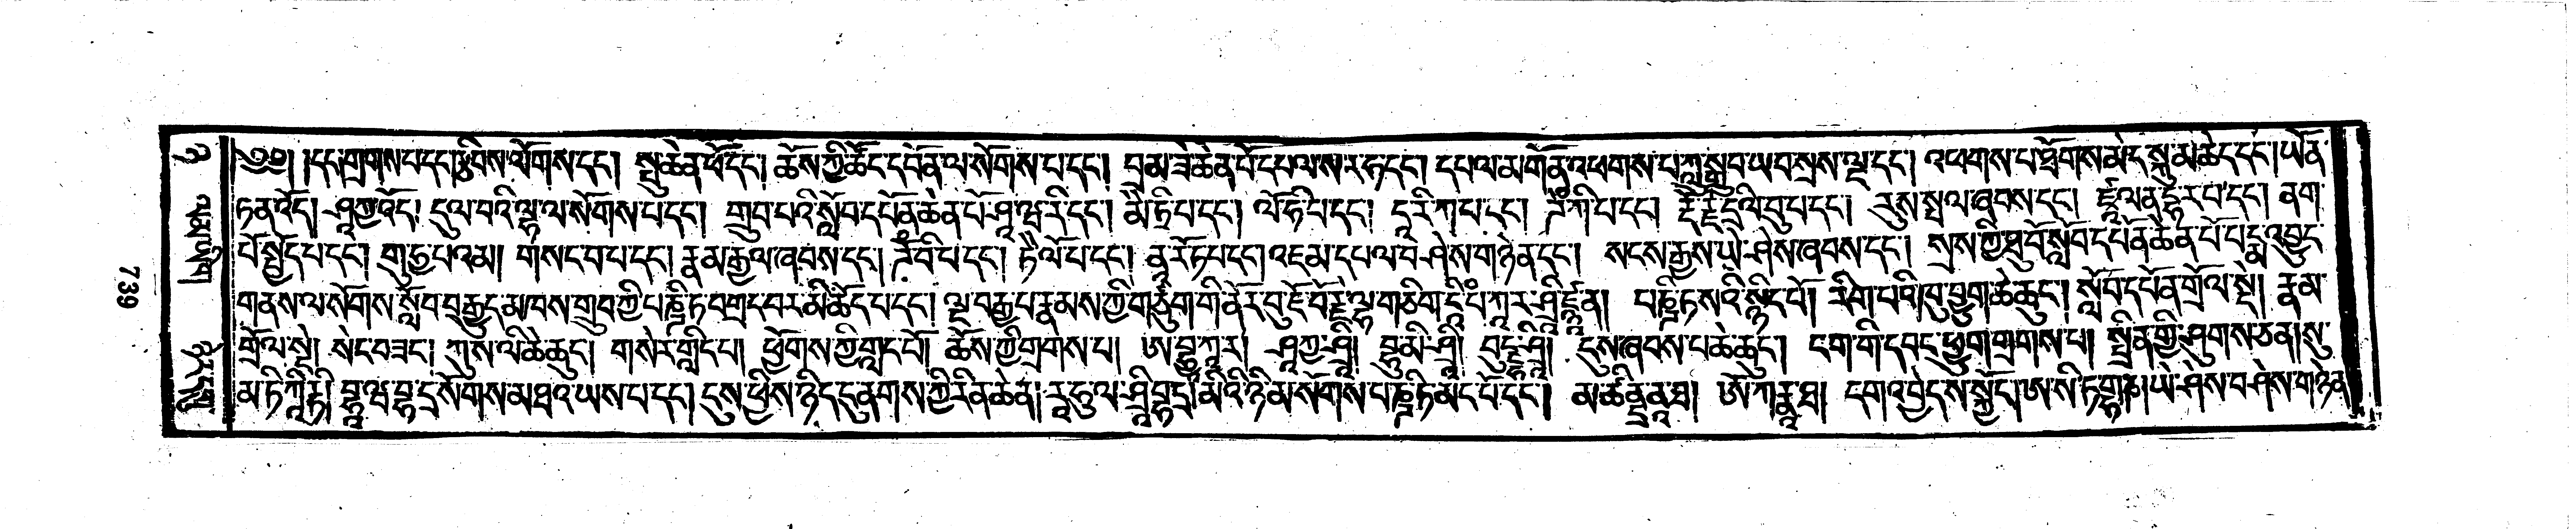༄༅། །དང༑ གྲགས་པ་དང་། རྩིབས་ལོགས་དང་། སྤུ་ཆེན་ཕོ་དང་། ཆོས་ཀྱི་ཚོང་དབོན་ལ་སོགས་པ་དང་། བྲམ་ཟེ་ཆེན་པོ་དཔལ་ས་ར་ཧ་དང་། དཔལ་མགོན་འཕགས་པ་ཀླུ་སྒྲུབ་ཡབ་སྲས་ལྔ་དང་། འཕགས་པ་ཐོགས་མེད་སྐུ་མཆེད་དང་། ཡོན་
ཏན་འོད། ཤཱཀྱ་འོད། དུལ་བའི་ལྷ་ལ་སོགས་པ་དང་། གྲུབ་པའི་སློབ་དཔོན་ཆེན་པོ་ཤཱ་ཝ་རི་དང་། མཻ་ཏྲི་པ་དང་། ལོ་ཧི་པ་དང་། དཱ་རི་ཀ་པ་དང་། ཌེཾ་ཀི་པ་དང་། རྡོ་རྗེ་དྲིལ་བུ་པ་དང་། རུས་སྤལ་ཞབས་དང་། ཛཱ་ལན་དྷ་ར་པ་དང་། ནག་
པོ་སྤྱོད་པ་དང་། གུ་ཧྱ་པའམ། གསང་བ་པ་དང་། རྣམ་རྒྱལ་ཞབས་དང་། ཌོཾ་བི་པ་དང་། ཏཻ་ལོ་པ་དང་། ནཱ་རོ་ཏ་པ་དང་། འཇམ་དཔལ་བཤེས་གཉེན་དང་། སངས་རྒྱས་ཡེ་ཤེས་ཞབས་དང་། སྲས་ཀྱི་ཐུ་བོ་སློབ་དཔོན་ཆེན་པོ་པདམ་འབྱུང་
གནས་ལ་སོགས་སློབ་བརྒྱུད་མཁས་གྲུབ་ཀྱི་པཎྜི་ཏ་བགྲང་བར་མི་ཆོད་པ་དང་། ལྔ་བརྒྱ་པ་རྣམས་ཀྱི་གཙུག་གི་ནོར་བུ་ཇོ་བོ་རྗེ་ལྷ་གཅིག་དཱི་པཾ་ཀཱ་ར་ཤྲཱི་ཛྙཱ་ན། པཎྜི་ཏ་སའི་སྙིང་པོ། རིག་པའི་ཁུ་བྱུག་ཆེ་ཆུང་། སློབ་དཔོན་གྲོལ་སྡེ། རྣམ་
གྲོལ་སྡེ། སེང་བཟང་། ཀུ་ས་ལི་ཆེ་ཆུང་། གསེར་གླིང་པ། ཕྱོགས་ཀྱི་གླང་པོ། ཆོས་ཀྱི་གྲགས་པ། ཨ་བྷྱཱ་ཀཱ་ར། ཤཱཀྱ་ཤྲཱི། བྷུ་མི་ཤྲཱི། བུདྡྷ་ཤྲཱི། དུས་ཞབས་པ་ཆེ་ཆུང་། ངག་གི་དབང་ཕྱུག་གྲགས་པ། སྤྲིན་གྱི་ཤུགས་ཅན། སུ་
མ་ཏི་ཀཱིརྟི། བྷཱ་ཝ་བྷ་དྲ་སོགས་མཐའ་ཡས་པ་དང་། དུས་ཕྱིས་ཉིད་དུ་ནགས་ཀྱི་རིན་ཆེན། རཱ་ཧུ་ལ་ཤྲཱི་བྷ་དྲ། མིའི་ཉི་མ་སོགས་པཎྜ་ཏི་མང་པོ་དང་། མ་ཚནྡྲི་ནཱ་ཐ། ཨོ་ཀརྣཱ་ཐ། དགའ་བྱེད་ས་སྐྱོང་། ཨ་སི་ཏ་གྷཎ། ཡེ་ཤེས་བཤེས་གཉེན་